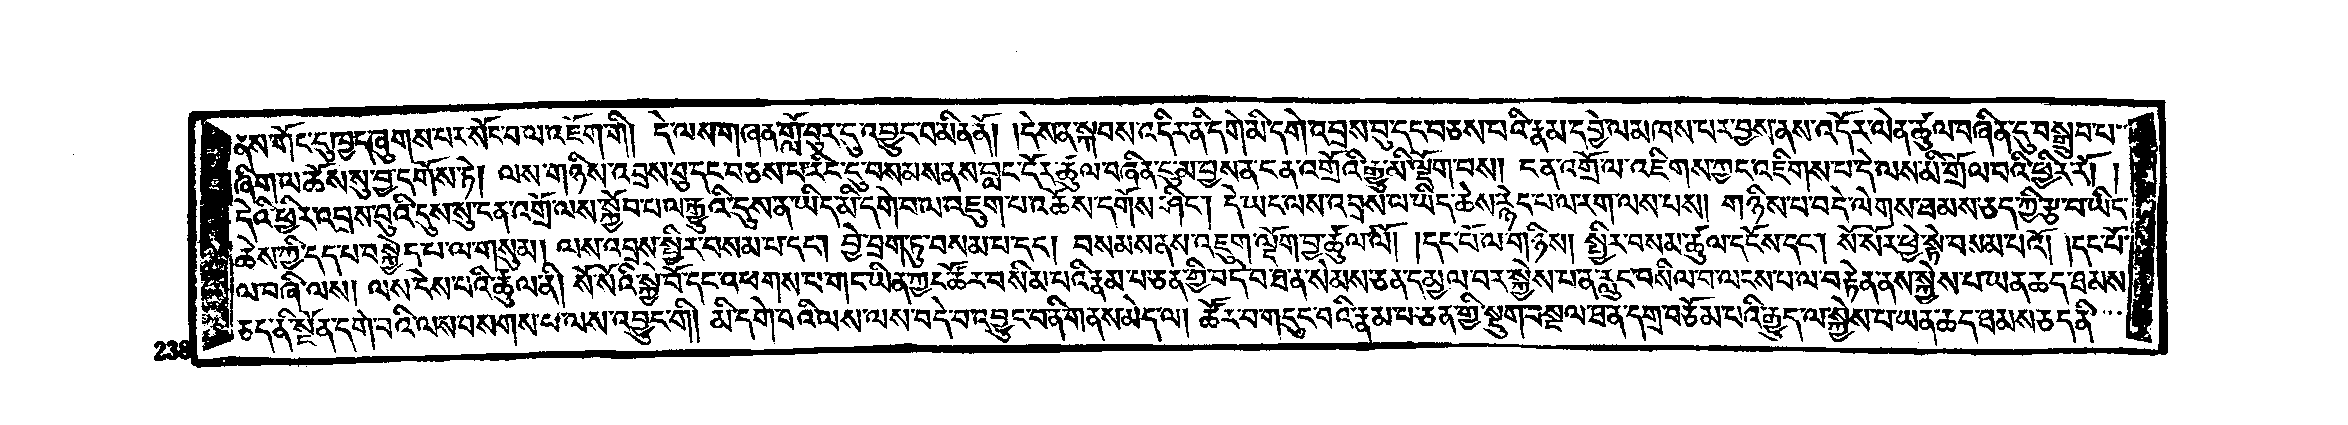ནས་གོང་དུ་ཁྱད་ཞུགས་པར་སོང་བ་ལ་འཇོག་གི། དེ་ལས་གཞན་གློ་བུར་དུ་འབྱུང་བ་མིན་ནོ། །དེས་ན་སྐབས་འདིར་ནི་དགེ་མི་དགེ་འབྲས་བུ་དང་བཅས་པའི་རྣམ་དབྱེ་ལ་མཁས་པར་བྱས་ནས་འདོར་ལེན་ཚུལ་བཞིན་དུ་བསྒྲུབ་པ་
ཞིག་ལ་ཆོས་སུ་བྱ་དགོས་ཏེ། ལས་གཉིས་འབྲས་བུ་དང་བཅས་པ་རིང་དུ་བསམས་ནས་བླང་དོར་ཚུལ་བཞིན་དུ་མ་བྱས་ན་ངན་འགྲོའི་རྒྱུ་མི་ལྡོག་པས། ངན་འགྲོ་ལ་འཇིགས་ཀྱང་འཇིགས་པ་དེ་ལས་མི་གྲོལ་བའི་ཕྱིར་རོ། །
དེའི་ཕྱིར་འབྲས་བུའི་དུས་སུ་ངན་འགྲོ་ལས་སྐྱོབ་པ་ལ་རྒྱུའི་དུས་ན་ཡིད་མི་དགེ་བ་ལ་འཇུག་པ་འཆོས་དགོས་ཤིང་། དེ་ཡང་ལས་འབྲས་ལ་ཡིད་ཆེས་རྙེད་པ་ལ་རག་ལས་པས། གཉིས་པ་བདེ་ལེགས་ཐམས་ཅད་ཀྱི་རྩ་བ་ཡིད་
ཆེས་ཀྱི་དད་པ་བསྐྱེད་པ་ལ་གསུམ། ལས་འབྲས་སྤྱིར་བསམ་པ་དང་། བྱེ་བྲག་ཏུ་བསམ་པ་དང་། བསམས་ནས་འཇུག་ལྡོག་བྱ་ཚུལ་ལོ། །དང་པོ་ལ་གཉིས། སྤྱིར་བསམ་ཚུལ་དངོས་དང་། སོ་སོར་ཕྱེ་སྟེ་བསམ་པའོ། །དང་པོ་
ལ་བཞི་ལས། ལས་ངེས་པའི་ཚུལ་ནི། སོ་སོའི་སྐྱེ་བོ་དང་འཕགས་པ་གང་ཡིན་ཀྱང་ཚོར་བ་སིམ་པའི་རྣམ་པ་ཅན་གྱི་བདེ་བ་ཐ་ན་སེམས་ཅན་དམྱལ་བར་སྐྱེས་པ་ན་རླུང་བསིལ་བ་ལངས་པ་ལ་བརྟེན་ནས་སྐྱེས་པ་ཡན་ཆད་ཐམས་
ཅད་ནི་སྔོན་དགེ་བའི་ལས་བསགས་པ་ལས་འབྱུང་གི། མི་དགེ་བའི་ལས་ལས་བདེ་བ་འབྱུང་བ་ནི་གནས་མེད་ལ། ཚོར་བ་གདུང་བའི་རྣམ་པ་ཅན་གྱི་སྡུག་བསྔལ་ཐ་ན་དགྲ་བཅོམ་པའི་རྒྱུད་ལ་སྐྱེས་པ་ཡན་ཆད་ཐམས་ཅད་ནི་